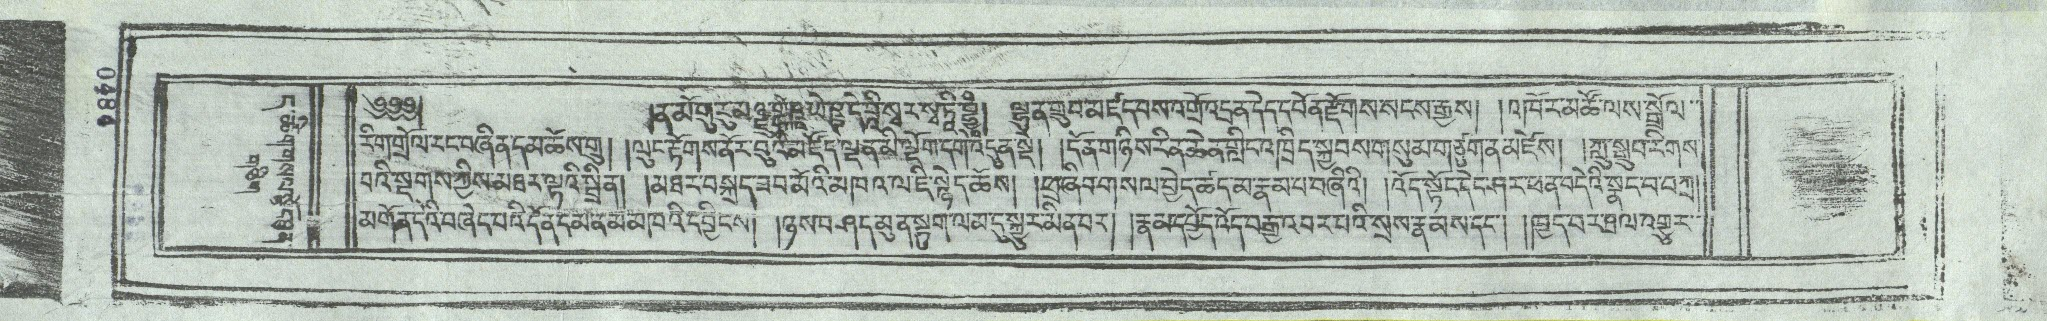༄༅༅། །ན་མོ་གུ་རུ་མཉྫུ་གྷོཥཱ་ཡེ་ཥྚ་དེ་བཱི་སྭ་ར་སྭ་ཏཱི་བྷྱཱཾ། ལྷུན་གྲུབ་མཛད་པས་འགྲོ་འདྲན་དེད་དཔོན་རྫོགས་སངས་རྒྱས། །འཁོར་མཚོ་ལས་སྒྲོལ་
རིག་གྲོལ་རང་བཞིན་དམ་ཆོས་གྲུ། །ལུང་རྟོགས་ནོར་བུའི་མཛོད་ལྡན་མི་ལྡོག་དགེ་འདུན་སྡེ། །དོན་གཉིས་རིན་ཆེན་གླིང་འཁྲིད་སྐྱབས་གསུམ་གཙུག་ན་མཛེས། །ཀླུ་སྒྲུབ་རིགས་
པའི་སྔགས་ཀྱིས་མཐར་ལྟའི་སྤྲིན། །མཐར་བསྐྲད་ཟབ་མོའི་མཁའ་ལ་ཇི་སྙེད་ཆོས། །ཕྲ་ཞིབ་གསལ་བྱེད་ཚད་མ་རྣམ་པ་བཞིའི། །འོད་སྟོང་དེང་ཤར་ཕན་བདེའི་སྣང་བ་བཀྲ།
མགོན་དེའི་བཞེད་པའི་དོན་དམ་ནམ་མཁའི་དབྱིངས། །ཉས་བཤད་མུན་སྟུག་ལམ་དུ་སྐྱུར་མིན་པར། །རྣམ་དཔྱོད་འོད་བརྒྱ་འབར་བའི་སྲས་རྣམས་དང་། །ཁྱད་པར་ཐལ་འགྱུར་